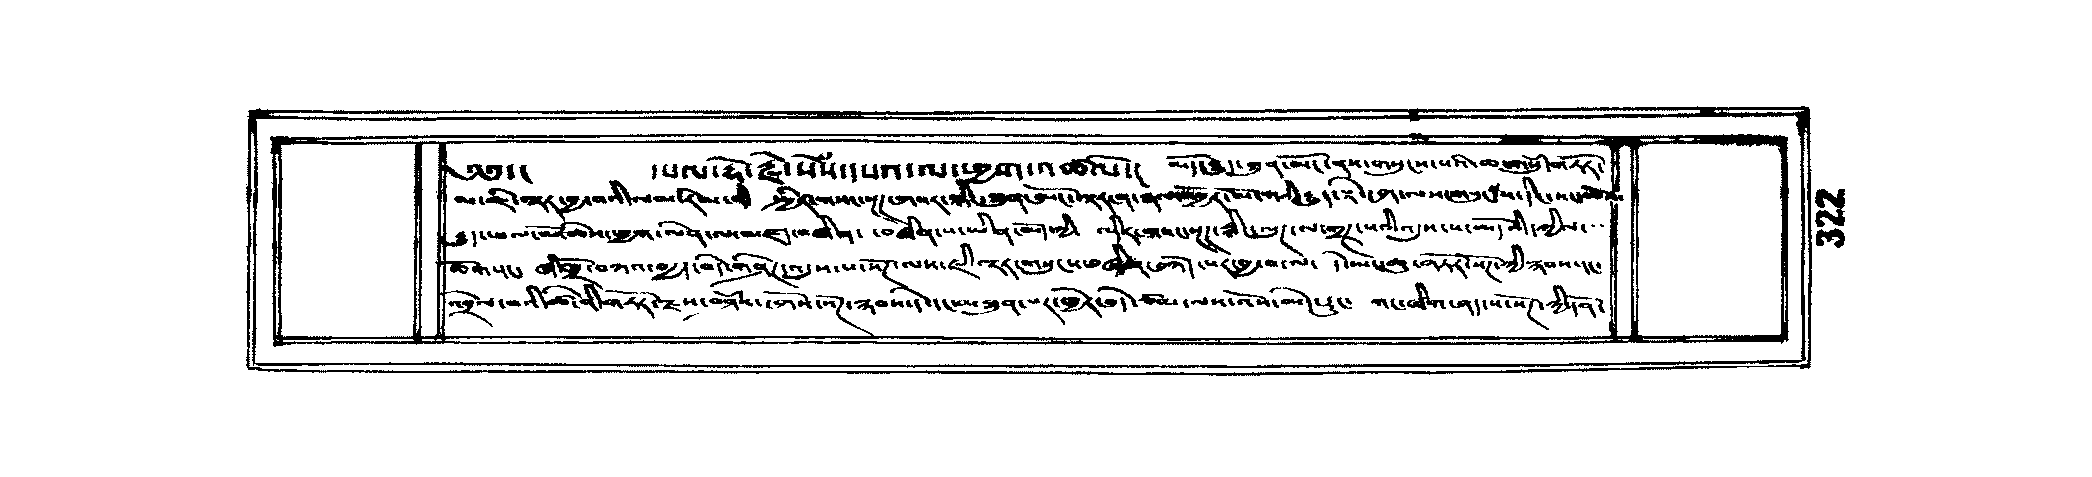དཔལ་རྡོ་རྗེ་སེམས་དཔའ་ལ་ཕྱག་འཚལ་ལོ། མདོ་རྒྱུད་ཐུན་མོང་ནས་གསུངས་པའི་ཆ་གསུམ་གཏོར་
མ་ཇི་ལྟར་བྱ་བའི་ལམ་རིམ་ནི། སྤྱིར་གསང་སྔགས་གསར་སྙིང་ཐུན་མོང་ལྟར་ན་རྣལ་འབྱོར་ཡོ་གའི་རྒྱུད་སྡེ་དག་ལས་གསུངས་པ་དིང་སང་ཆོས་
རྒྱུད་ཕལ་མོ་ཆེས་ཕྱག་ལེན་ལ་མཛད་་བཞིན་པ་ཡིན་མོད་ཀྱི། འདིར་གསང་སྔགས་ཀྱི་ལུགས་ལ་གྲགས་པའི་འདུས་པ་མདོའི་དཀྱིལ་
ཆོག་དང་། ཞི་ཁྲོ་བཀའ་བརྒྱད་བདེ་གཤེགས་འདུས་པ་སོགས་ལས་ཇི་ལྟར་གསུངས་བཞིན་བཀོད་པར་བྱ་བ་ལ། དེ་ཡང་ཆུ་གཏོར་སོགས་ཀྱི་སྐབས་དང་
འབྲེལ་བའི་ཚེ་ནི་གཏོར་རྫས་བཤམས་བཀོད་སོགས་སྐབས་དེ་དང་མཐུན་པར་ཁྱེར་བདེ་ཙམ་ལས་འོས་མེད་རུང་། གང་ཞིག་ནད་པ་སོགས་ཀྱི་དོན་